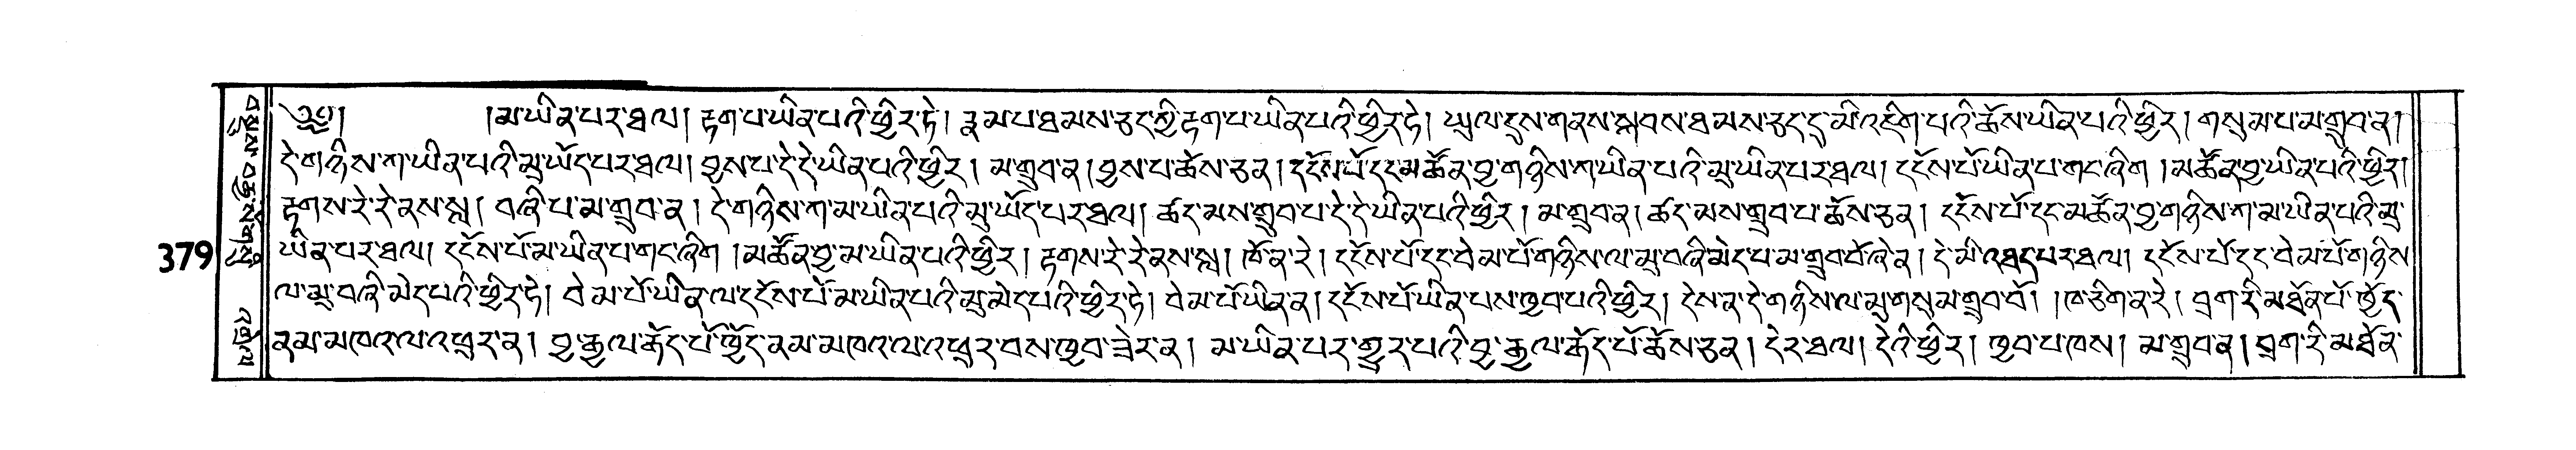༄༅། །མ་ཡིན་པར་ཐལ། རྟག་པ་ཡིན་པའི་ཕྱིར་ཏེ། རྣམ་པ་ཐམས་ཅད་ཀྱི་རྟག་པ་ཡིན་པའི་ཕྱིར་ཏེ། ཡུལ་དུས་གནས་སྐབས་ཐམས་ཅད་དུ་མི་འཇིགས་པའི་ཆོས་ཡིན་པའི་ཕྱིར། གསུམ་པ་མ་གྲུབ་ན།
དེ་གཉིས་ཀ་ཡིན་པའི་མུ་ཡོད་པར་ཐལ། བྱས་པ་དེ་དེ་ཡིན་པའི་ཕྱིར། མ་གྲུབ་ན། བྱས་པ་ཆོས་ཅན། དངོས་པོ་དང་མཚོན་བྱ་གཉིས་ཀ་ཡིན་པའི་མུ་ཡིན་པར་ཐལ། དངོས་པོ་ཡིན་པ་གང་ཞིག །མཚོན་བྱ་ཡིན་པའི་ཕྱིར།
རྟགས་རེ་རེ་ནས་སླ། བཞི་པ་མ་གྲུབ་ན། དེ་གཉིས་ཀ་མ་ཡིན་པའི་མུ་ཡོད་པར་ཐལ། ཚད་མ་གྲུབ་པ་དེ་དེ་ཡིན་པའི་ཕྱིར། མ་གྲུབ་ན། ཚད་མ་སྒྲུབ་པ་ཆོས་ཅན། དངོས་པོ་དང་མཚོན་བྱ་གཉིས་ཀ་མ་ཡིན་པའི་མུ་
ཡིན་པར་ཐལ། དངོས་པོ་མ་ཡིན་པ་གང་ཞིག །མཚོན་བྱ་མ་ཡིན་པའི་ཕྱིར། རྟགས་རེ་རེ་ནས་སླ། ཁོ་ན་རེ། དངོས་པོ་དང་བེམ་པོ་གཉིས་ལ་མུ་བཞི་མེད་པ་མ་གྲུབ་བོ་ཞེ་ན། དེ་མི་འཐད་པར་ཐལ། དངོས་པོ་དང་བེམ་པོ་གཉིས་
ལ་མུ་བཞི་མེད་པའི་ཕྱིར་ཏེ། བེམ་པོ་ཡིན་ལ་དངོས་པོ་མ་ཡིན་པའི་མུ་མེད་པའི་ཕྱིར་ཏེ། བེམ་པོ་ཡིན་ན། དངོས་པོ་ཡིན་པས་ཁྱབ་པའི་ཕྱིར། དེས་ན་དེ་གཉིས་ལ་མུ་གསུམ་གྲུབ་བོ། །ཁ་ཅིག་ན་རེ། བྲག་རི་མཐོན་པོ་ཁྱོད་
ནམ་མཁའ་ལ་འཕྲད་ན། བྱ་རྒྱལ་རྒོད་པོ་ཁྱོད་ནམ་མཁའ་ལ་འཕྲར་བས་ཁྱབ་ཟེར་ན། མ་ཡིན་པར་གྱུར་པའི་བྱ་རྒྱལ་རྒོད་པོ་ཆོས་ཅན། དེར་ཐལ། དེའི་ཕྱིར། ཁྱབ་པ་ཁས། མ་གྲུབ་ན། བྲག་རི་མཐོན་